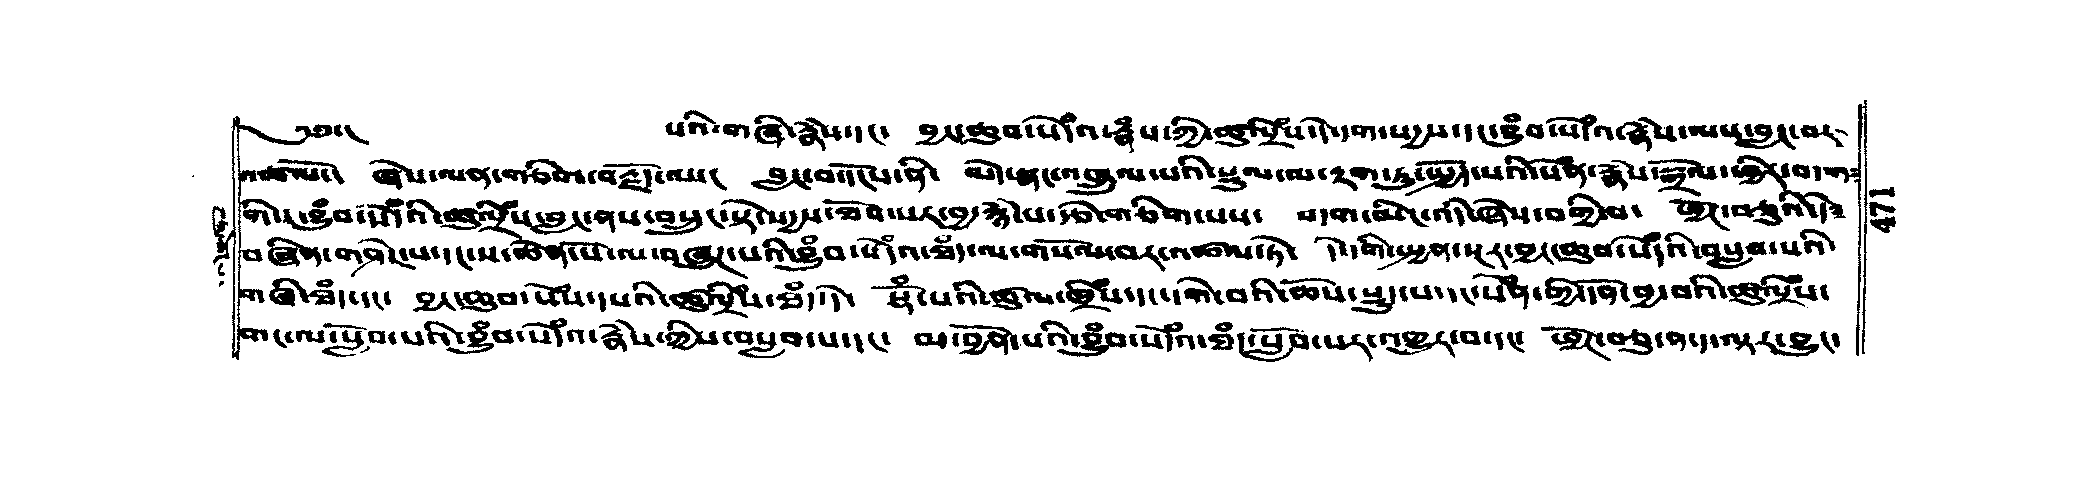པའི་གཞི་དང་། བྱང་ཆུབ་སེམས་དཔའ་རྣམས་ཀྱི་ཚུལ་ཁྲིམས་དེ་དག་སངས་རྒྱས་སངས་རྒྱས་དང་བྱང་ཆུབ་སེམས་དཔའ་རྣམས་ལས་བླང་བར་
འཚལ་ལོ། ཞེས་ལན་གཅིག་བརྗོད་ལ། བླང་བ་ནི། མེད་སྣང་འཁྲུལ་བའི་སྡུག་བསྔལ་ལ་རྟག་ཏུ་སྤྱོད་པའི་སེམས་ཅན་རྣམས་སྒྲོལ་ཕྱིར་བདག་
གིས་བྱང་ཆུབ་སེམས་དཔའི་ཚུལ་ཁྲིམས་བླང་ནས་བསྲུང་སྟེ་སངས་རྒྱས་ཐོབ་པར་བྱ་སྙམ་པ་རྩེ་གཅིག་པས། བདག་མིང་འདི་ཞེས་བགྱི་བ། ཕྱོགས་བཅུའི་དེ་
བཞིན་གཤེགས་པ་དང་ས་ཆེན་པོ་ལ་བཞུགས་པའི་བྱང་ཆུབ་སེམས་དཔའ་ཐམས་ཅད་ལ་གསོལ་་བར་འཚལ་ཏེ། དེ་དག་གི་སྤྱན་སྔར་བྱང་ཆུབ་སེམས་དཔའི་བསླབ་པའི་
གཞི་ཐམས་ཅད་དང་། བྱང་ཆུབ་སེམས་དཔའི་ཚུལ་ཁྲིམས་ཐམས་ཅད་དེ། སྡོམ་པའི་ཚུལ་ཁྲིམས་དང་དགེ་བའི་ཆོས་སྡུད་པ་དང་སེམས་ཅན་གྱི་དོན་བྱ་བའི་ཚུལ་ཁྲིམས་
གང་ལ་སློབ་པའི་བྱང་ཆུབ་སེམས་དཔའ་རྣམས་ཀྱི་བསླབ་པ་དང་། མ་བྱོན་པའི་བྱང་ཆུབ་སེམས་དཔའ་ཐམས་ཅད་སློབ་པར་འགྱུར་བ་དང་། ཕྱོགས་བཅུ་ན་ད་ལྟ་བྱུང་